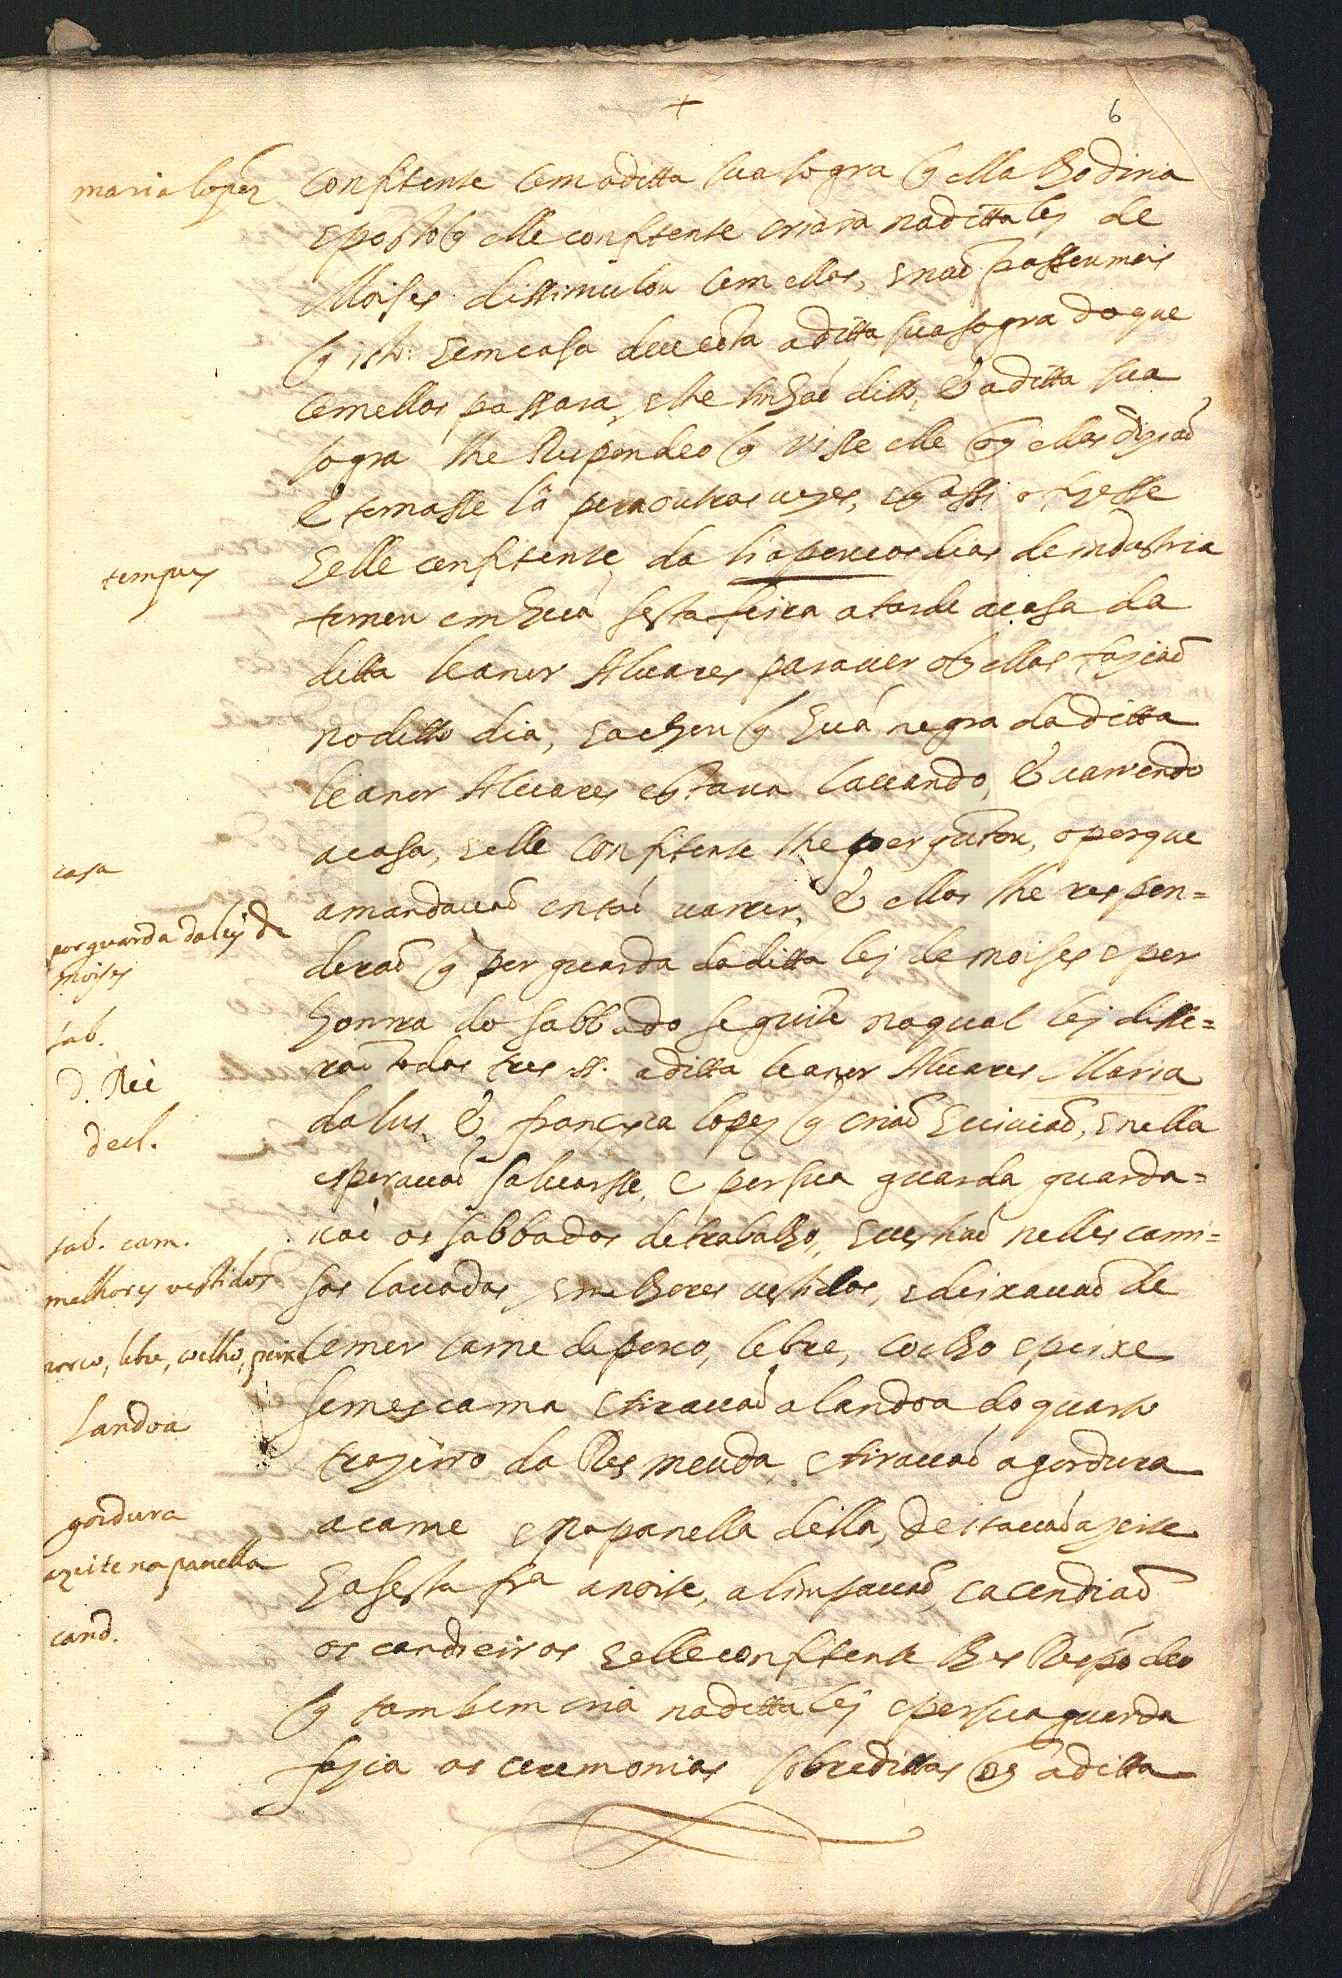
confitente com a ditta sua sogra q̄ ella lho diria
E posto q̄ elle confitente cria ia na ditta lej de
Moises dissimulou com ellas, E naõ passou mais
q̄ isto: E em casa deu esta a ditta sua sogra do que
com ellas passara, E lhe tinhaõ ditto, & a ditta sua
sogra lhe Respondeo q̄ visse elle o q̄ ellas diziaõ
& tomasse lâ pera outras uezes, E q̄ assi o fez elle
E elle confitente dali a poucos dias de industria
tomou em huā sesta feira a tarde a casa da
ditta Leanor Aluares para uer o q̄ ellas faziaõ
no ditto dia, E achou q̄ huā negra da ditta
Leanor Aluares estaua lauando, & uarrendo
a casa, E elle confitente lhe pergūtou, o porque
a mandauaõ entaõ uarrer, & ellas lhe respon
deraõ q̄ per guarda da ditta lej de moises e per
honrra do sabbado seguīte na qual lej disse
raõ todas tres .ss. a ditta Leanor Aluares Maria
da Lus, & Francisca Lopez q̄ criaõ E uiuiaõ, E nella
esperauaõ saluarsse, e per sua guarda guarda
uaõ os sabbados de trabalho, E uestiaõ nelles cami
sas lauadas, E melhores uestidos, E deixauaõ de
Comer carne de porco, lebre, coelho E peixe
sem escama E tirauaõ a landoa do quarto
trazeiro da Res meuda, e tirauaõ a gordura
a carne e na panella della, deitauaõ azeite
E a sesta fra a noite, a limpauaõ, e acendiaõ
os candieiros E elle confitente lhes Respōdeo
q̄ tambem cria na ditta lej e per sua guarda
fazia as ceremonias sobredittas o q̄ a ditta
